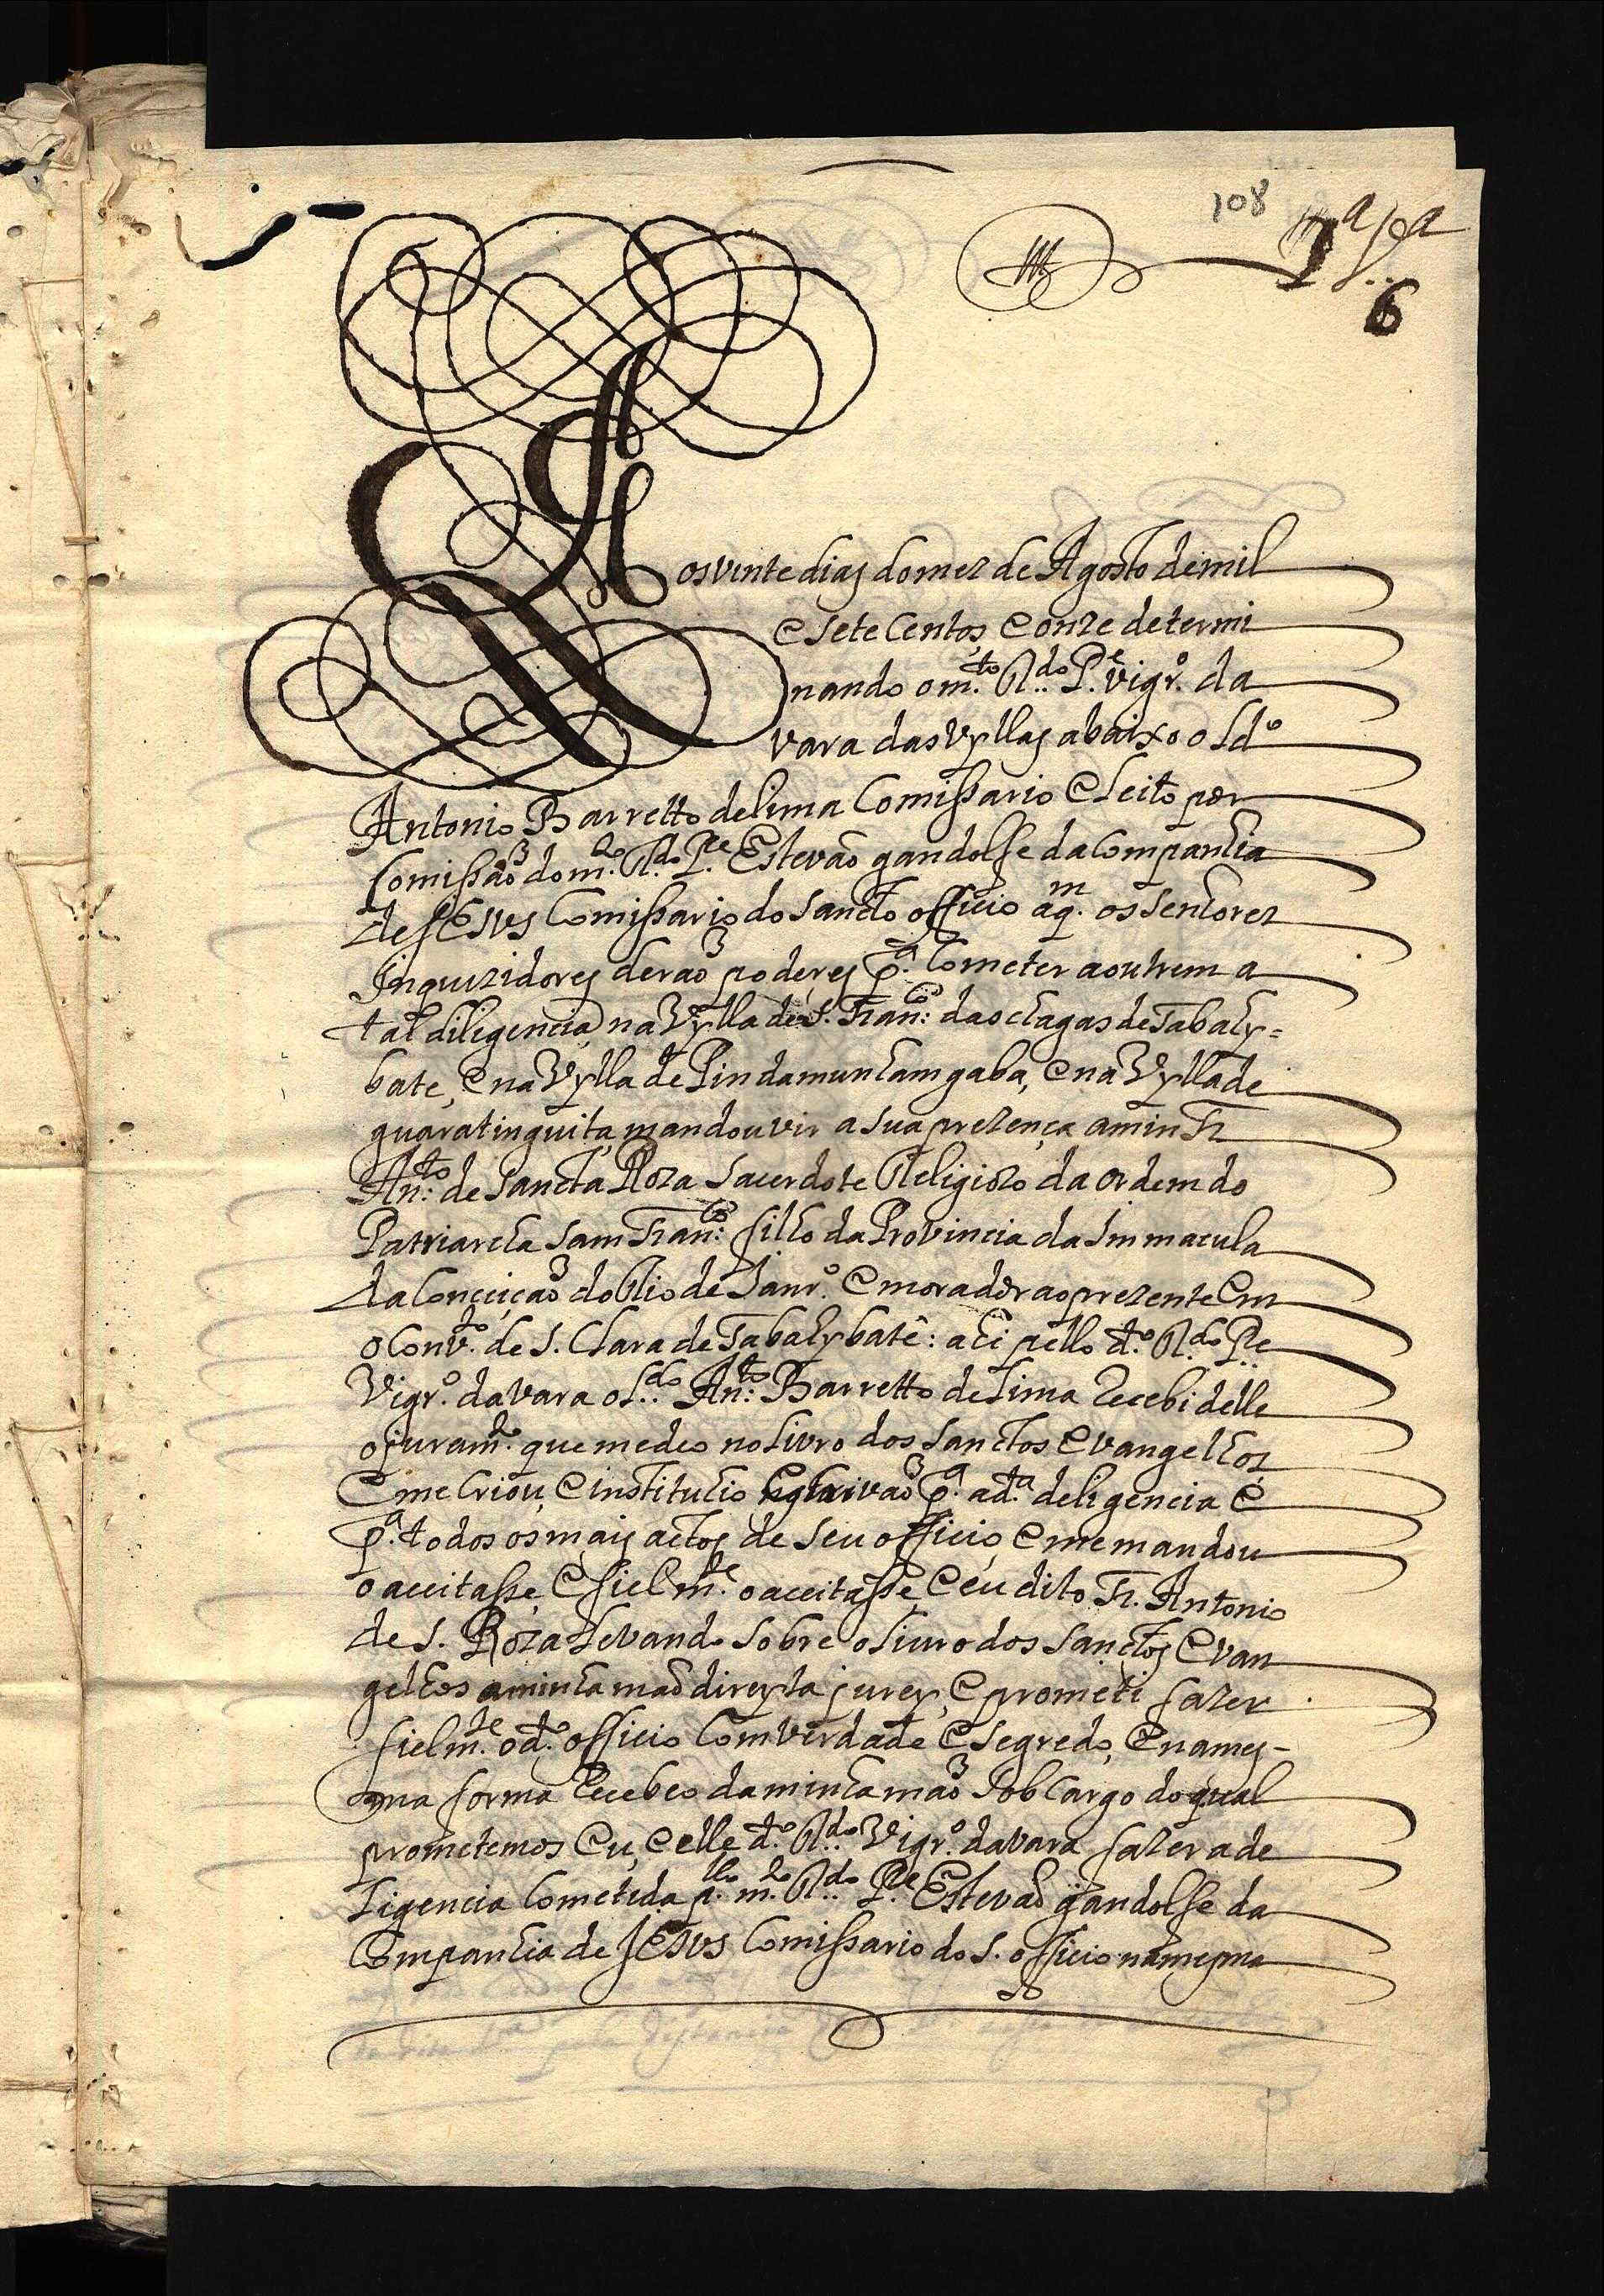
os vinte dias do mez de Agosto de mil
e setecentos e onze determi
nando o m.to R.do P.e vigr.o da
Vara das Vyllas abaixo o Ldo
Antonio Barretto de lima Comissario eLeito por
Comissaõ do m.to R.do P.e Estevão gandolfe da Companhia
de JEsVs Comissario do Sancto officio a q.m os senhores
Inquizidores deraõ poderes p.a Cometer a outrem a
tal diligencia na Vylla de S. Fran.co das chagas de Tabahy
bate, e na Vylla de Pindamunhamgaba, e na Vylla de
guaratinguita mandou vir a sua prezença a min Fr
An.to de Sancta Roza Sacerdote Religiozo da ordem do
Patriarcha sam Fran.co filho da Provincia da Immacula
da Conceiçaõ do Rio de Ianr.o e morador ao prezente em
o Conv.o de S. Clara de Tabahybaté: ahi pello d̄.o R.do P.e
Vigr.o da vara o L.do An.to Barretto de Lima Recebi delle
o juram.to. que me deo no Livro dos Sanctos Evangelhos
E me Criou, e instituhio Escrivaõ p.a a d̄.a deligencia e
p.a todos os mais actos de seu officio, e me mandou
o aceitasse, e fielm.te o aceitasse, e eu dito Fr. Antonio
de S. Roza Levando sobre o Liuro dos Sanctos Evan
gelhos a minha maõ direyta jurey, e prometi fazer
fielm.te o d̄.o officio Com verdade e segredo, e na mes
ma forma Recebeo da minha maõ sob cargo do qual
prometemos eu, e elle d̄.o R.do Vigr.o da vara fazer a de
Ligencia Cometida p.lo m.to R.do P.e Estevaõ gandolfe da
Companhia de Jesus Comissario do S. officio na mesma
